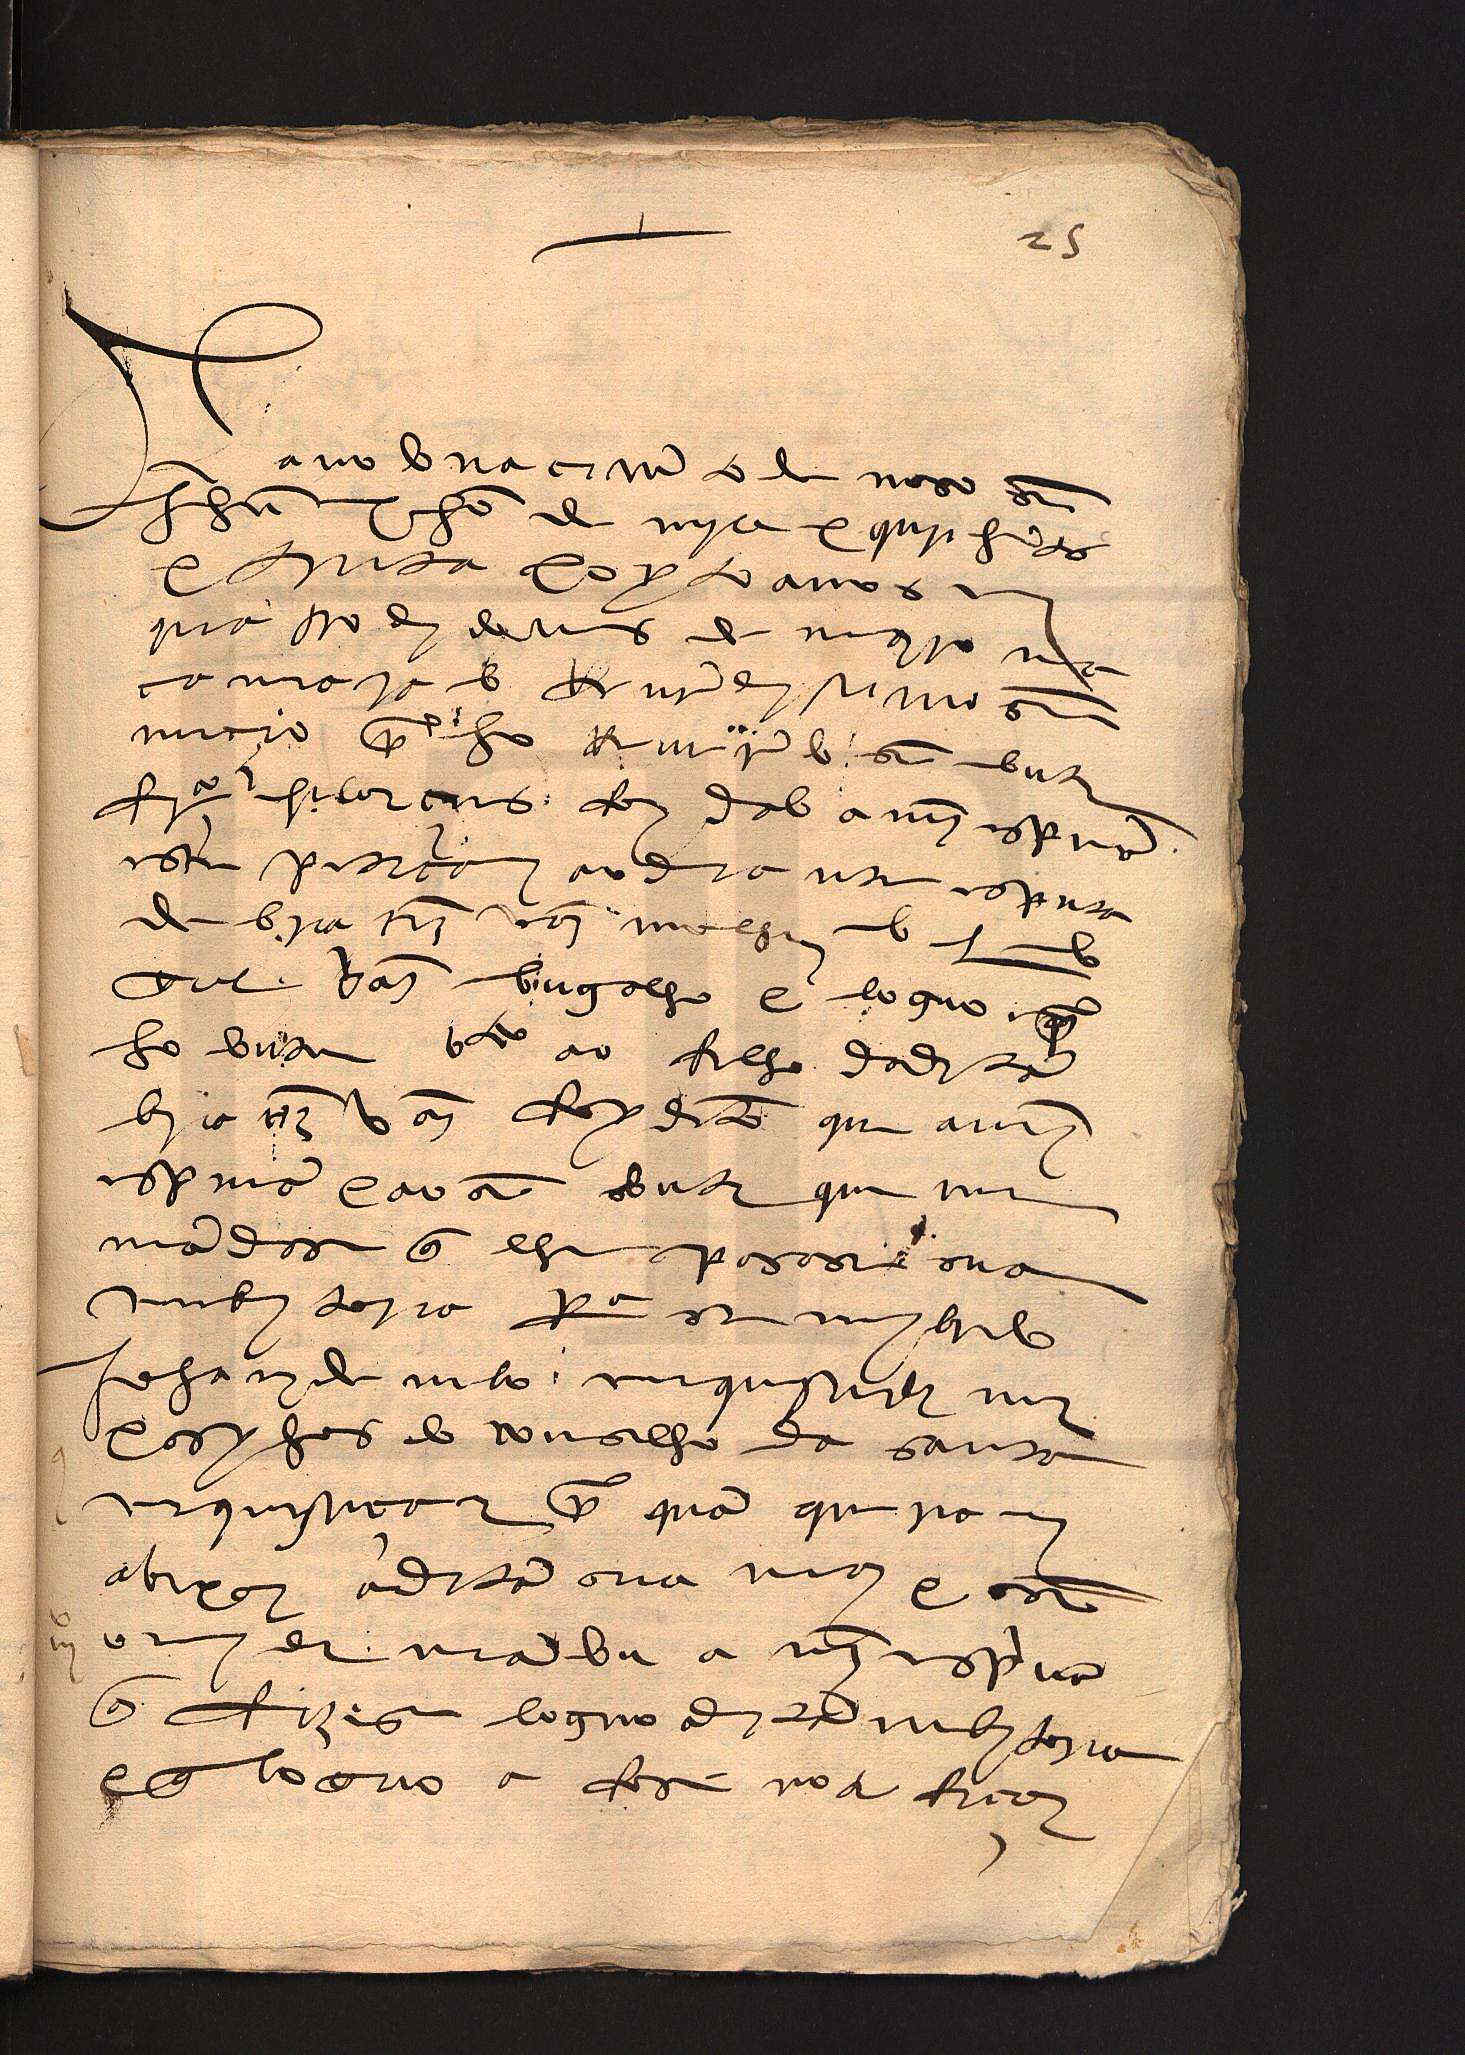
Aano do nacimēto de noso s̄r
Jhū xpō de mjll e qujnhētos
e trinta e oyto anos em
quatro dj do mes de majo na
camara do Reurēdjsimo s̄or
nucio p̄o ho Reuerēdo s̄r doutor
frco pilorcius foj dado a mj̄ espuā
esta petiçam ao diante esprita
de briatiz vāz molher do Ldo
gil v̄az bugalho e loguo p̄o
ho doutor vco ao filho da dita
briatiz vāz foy dito que a mj̄
espriuā e ao s̄r doutor que me
mādase q̄ lhe pasase sua
enebjtoria ꝑa se enjbido
Joham de melo enquisidor mor
e asy hos do conselho da santa
enquisiçam p̄o quā queriam
avexar a ditā sua maj e o s̄r
iijo oujdor mādou a mj̄ espiuā
q̄ fizese loguo a djta enebjtoria
e q̄ loguo a fose noteficar
25
